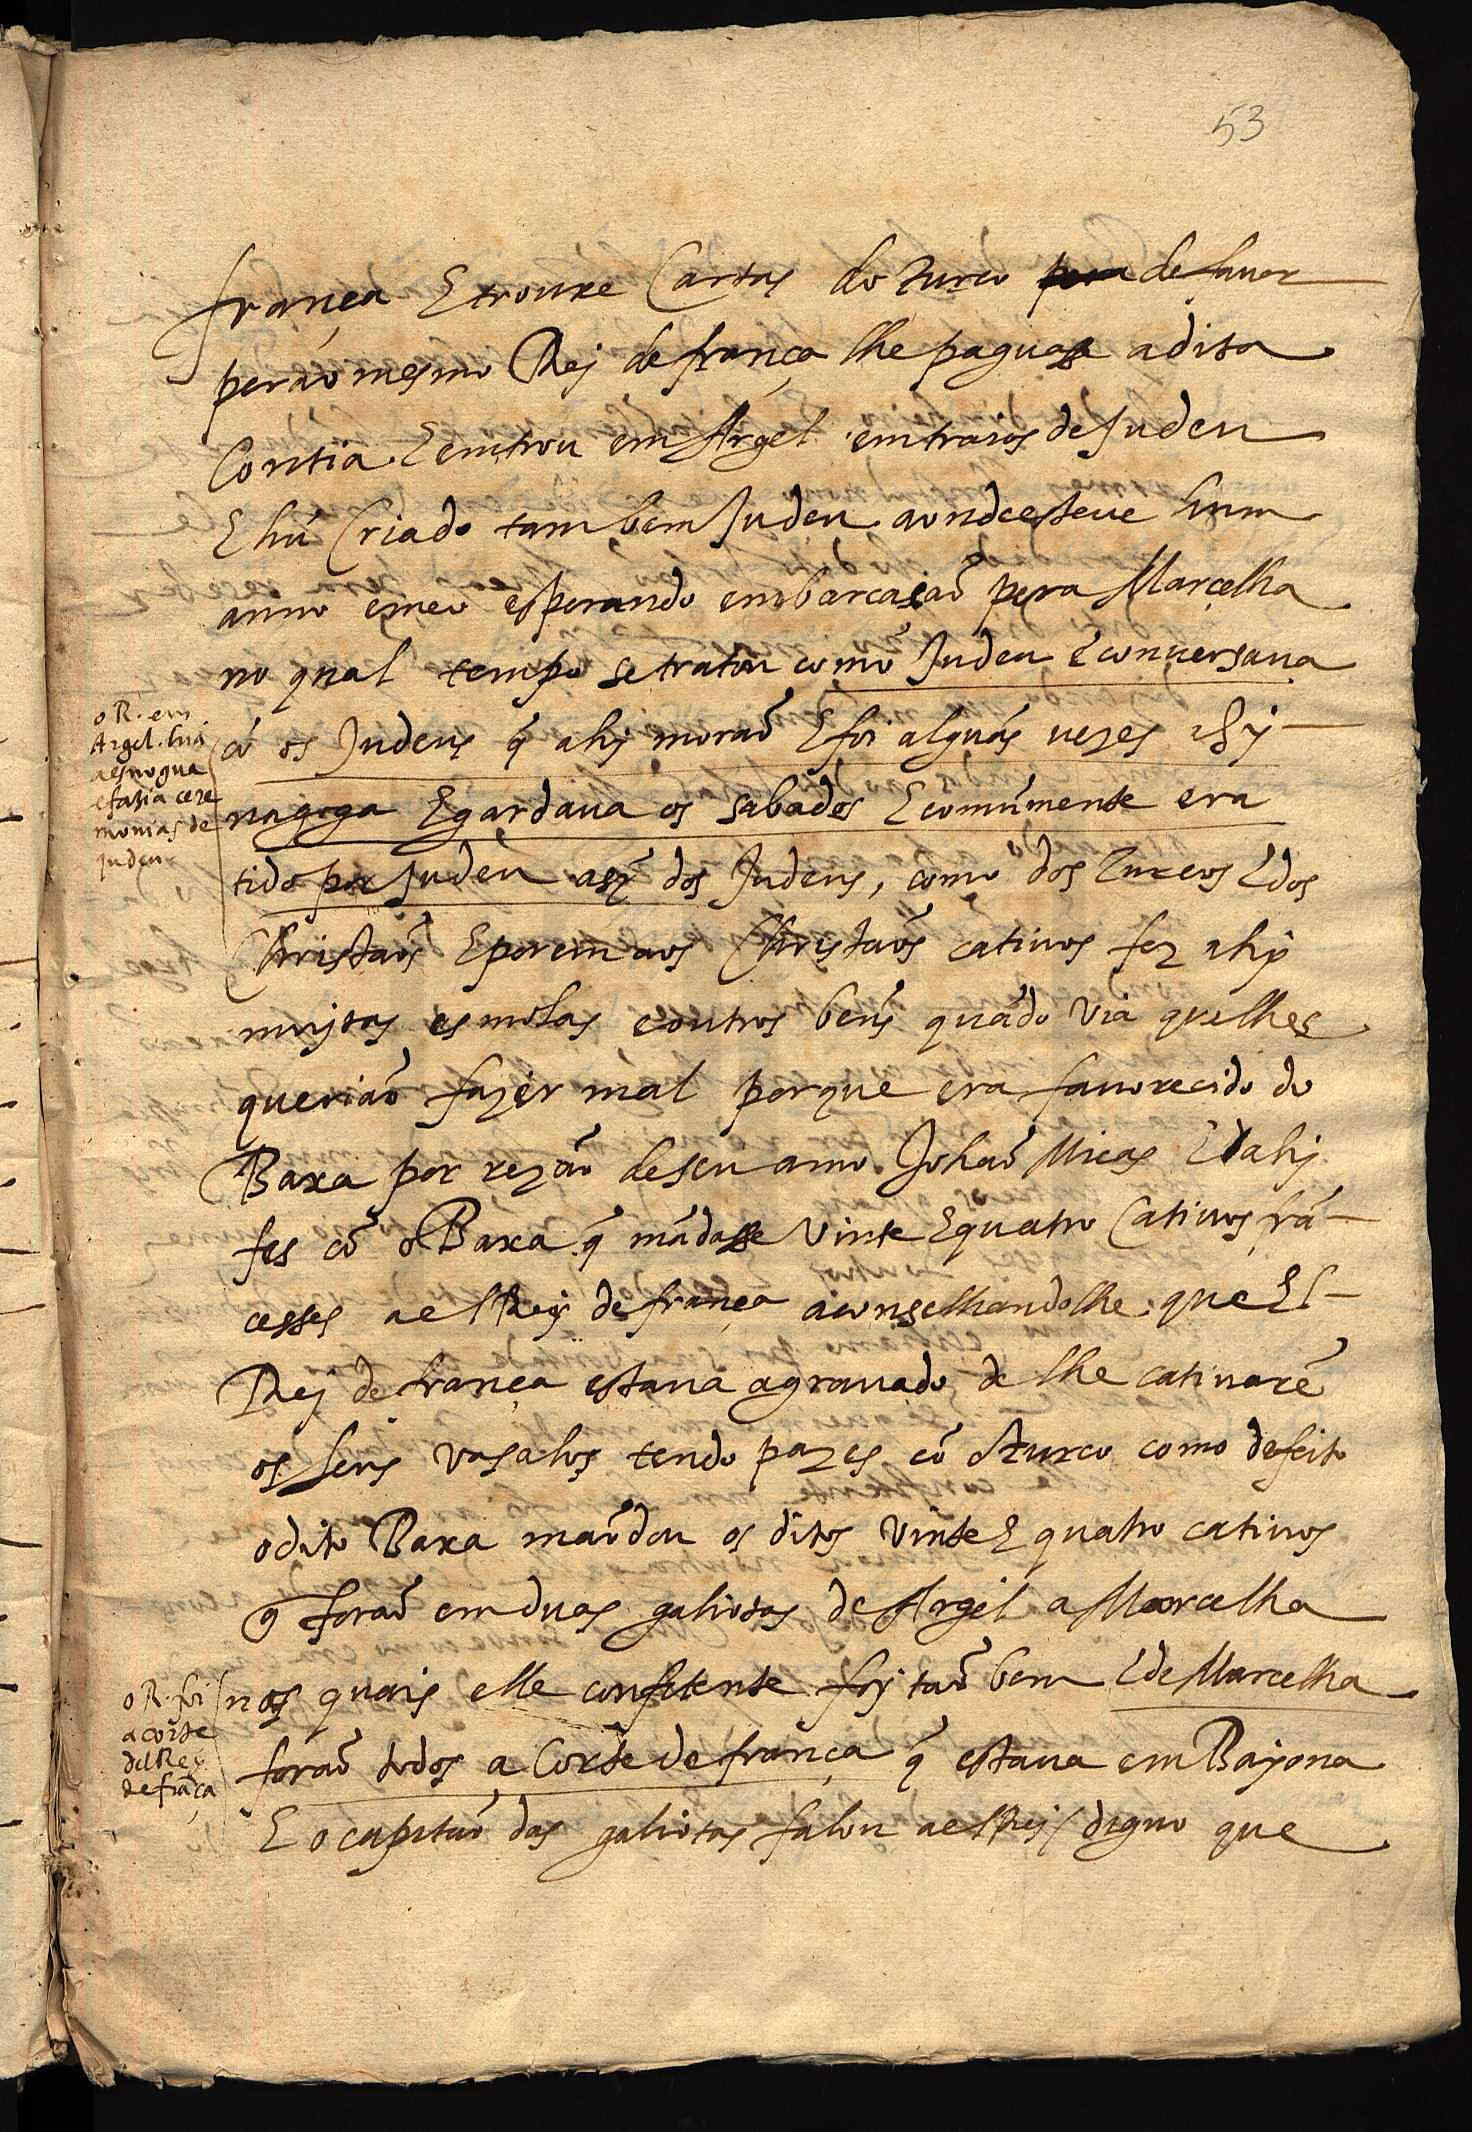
o R. em
Argel. hia
a esnogua
e fazia cere
monias de
judeu
o R. foi
a corte
del Rey
de frāça
frança E trouxe Cartas do turco pera de fauor
pera o mesmo Rej de frança lhe paguasse a dita
contia E emtrou em Argel em traios de Judeu
E hū Criado tambem Judeu aonde esteue hum
anno e meo esperando embarcaçaõ pera Marcelha
no qual tempo se tratou como Judeu e conuersaua
cō os Judeus q̄ ahy moraõ E foi alguās uezes a sy
nagoga E gardaua os sabados E comūmente era
tido por judeu asȳ dos Judeus, como dos Turcos E dos
Christaõs E porem aos Christaõs catiuos fez ahy
mujtas esmolas e outros bens̄ quādo via que lhes
queriaõ fazer mal porque era fauorecido do
Baxa por rezaõ de seu amo Johaõ Micas E dahy
fes cō o Baxa q̄ mādasse vinte E quatro Catiuos frā
cesses a el Rey de frança aconselhandolhe que El
Rej de frança estaua agrauado de lhe catiuarē
os seus vasalos tendo pazes cō o turco como de feito
o dito Baxa maõdou os ditos vinte E quatro catiuos
q̄ foraõ em duas galiotas de Argel a Marcelha
nos quais elle confitente foy taõbem E de Marcelha
foraõ todos a Corte de frança q̄ estaua em Bayona
E o capitaõ das galiotas falou a el Rej / diguo que
